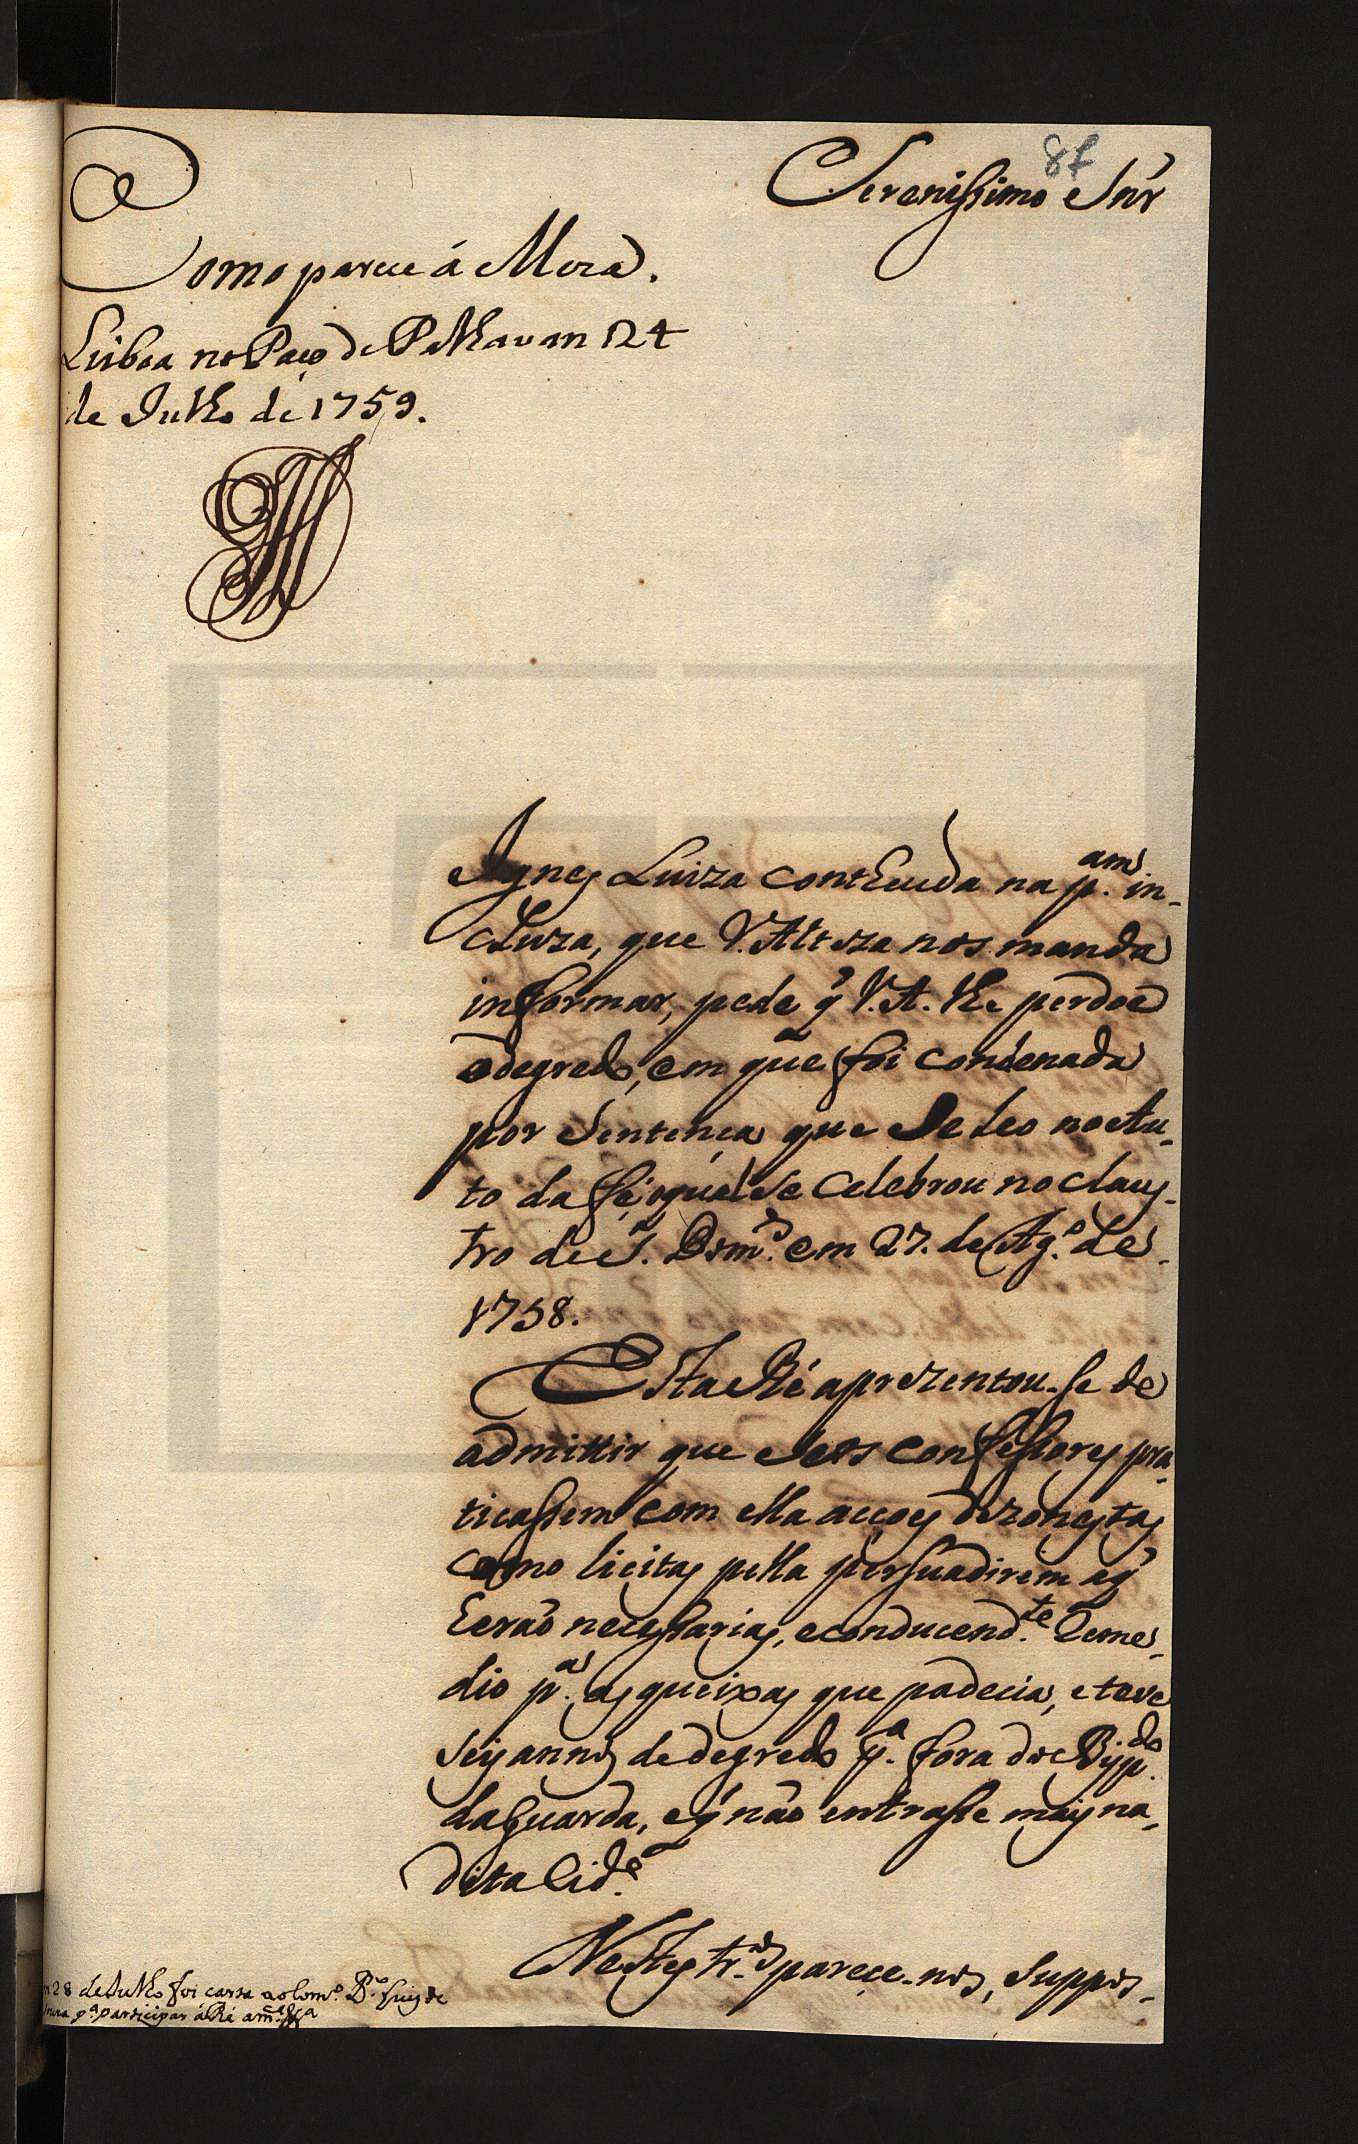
Serenissimo Snr̄
Como parece á Meza.
Lisboa no Paço de Palhavan 24
de Iulho de 1759.
Ignes Luiza contheuda na p.am in
cluza, que V. Alteza nos manda
informar, pede q̄ V.A. lhe perdoe
o degredo, em que foi condenada
por Sentença que se Leo no Au
to da fé, o qual se celebrou no claus
tro de S. Dom.os em 27. de Ag.o de
1758.
Esta Ré aprezentou-se de
admittir que seos confessores pra
ticassem com ella acçoes dezonestas
como licitas pella persuadirem a q̄
heraõ necessarias, e conducend.te Reme
dio p.a as queixas que padecia, e teve
seis annos de degredo p.a fora do Bisp.do
da Guarda, e q̄ naõ entrasse mais na
dita Cid.e
Nestes tr.os parece-nos, suppos.
28 de Iulho foi carta ao Com.o P.o Luis de
ra p.a participar á Ré a m.ce &a
